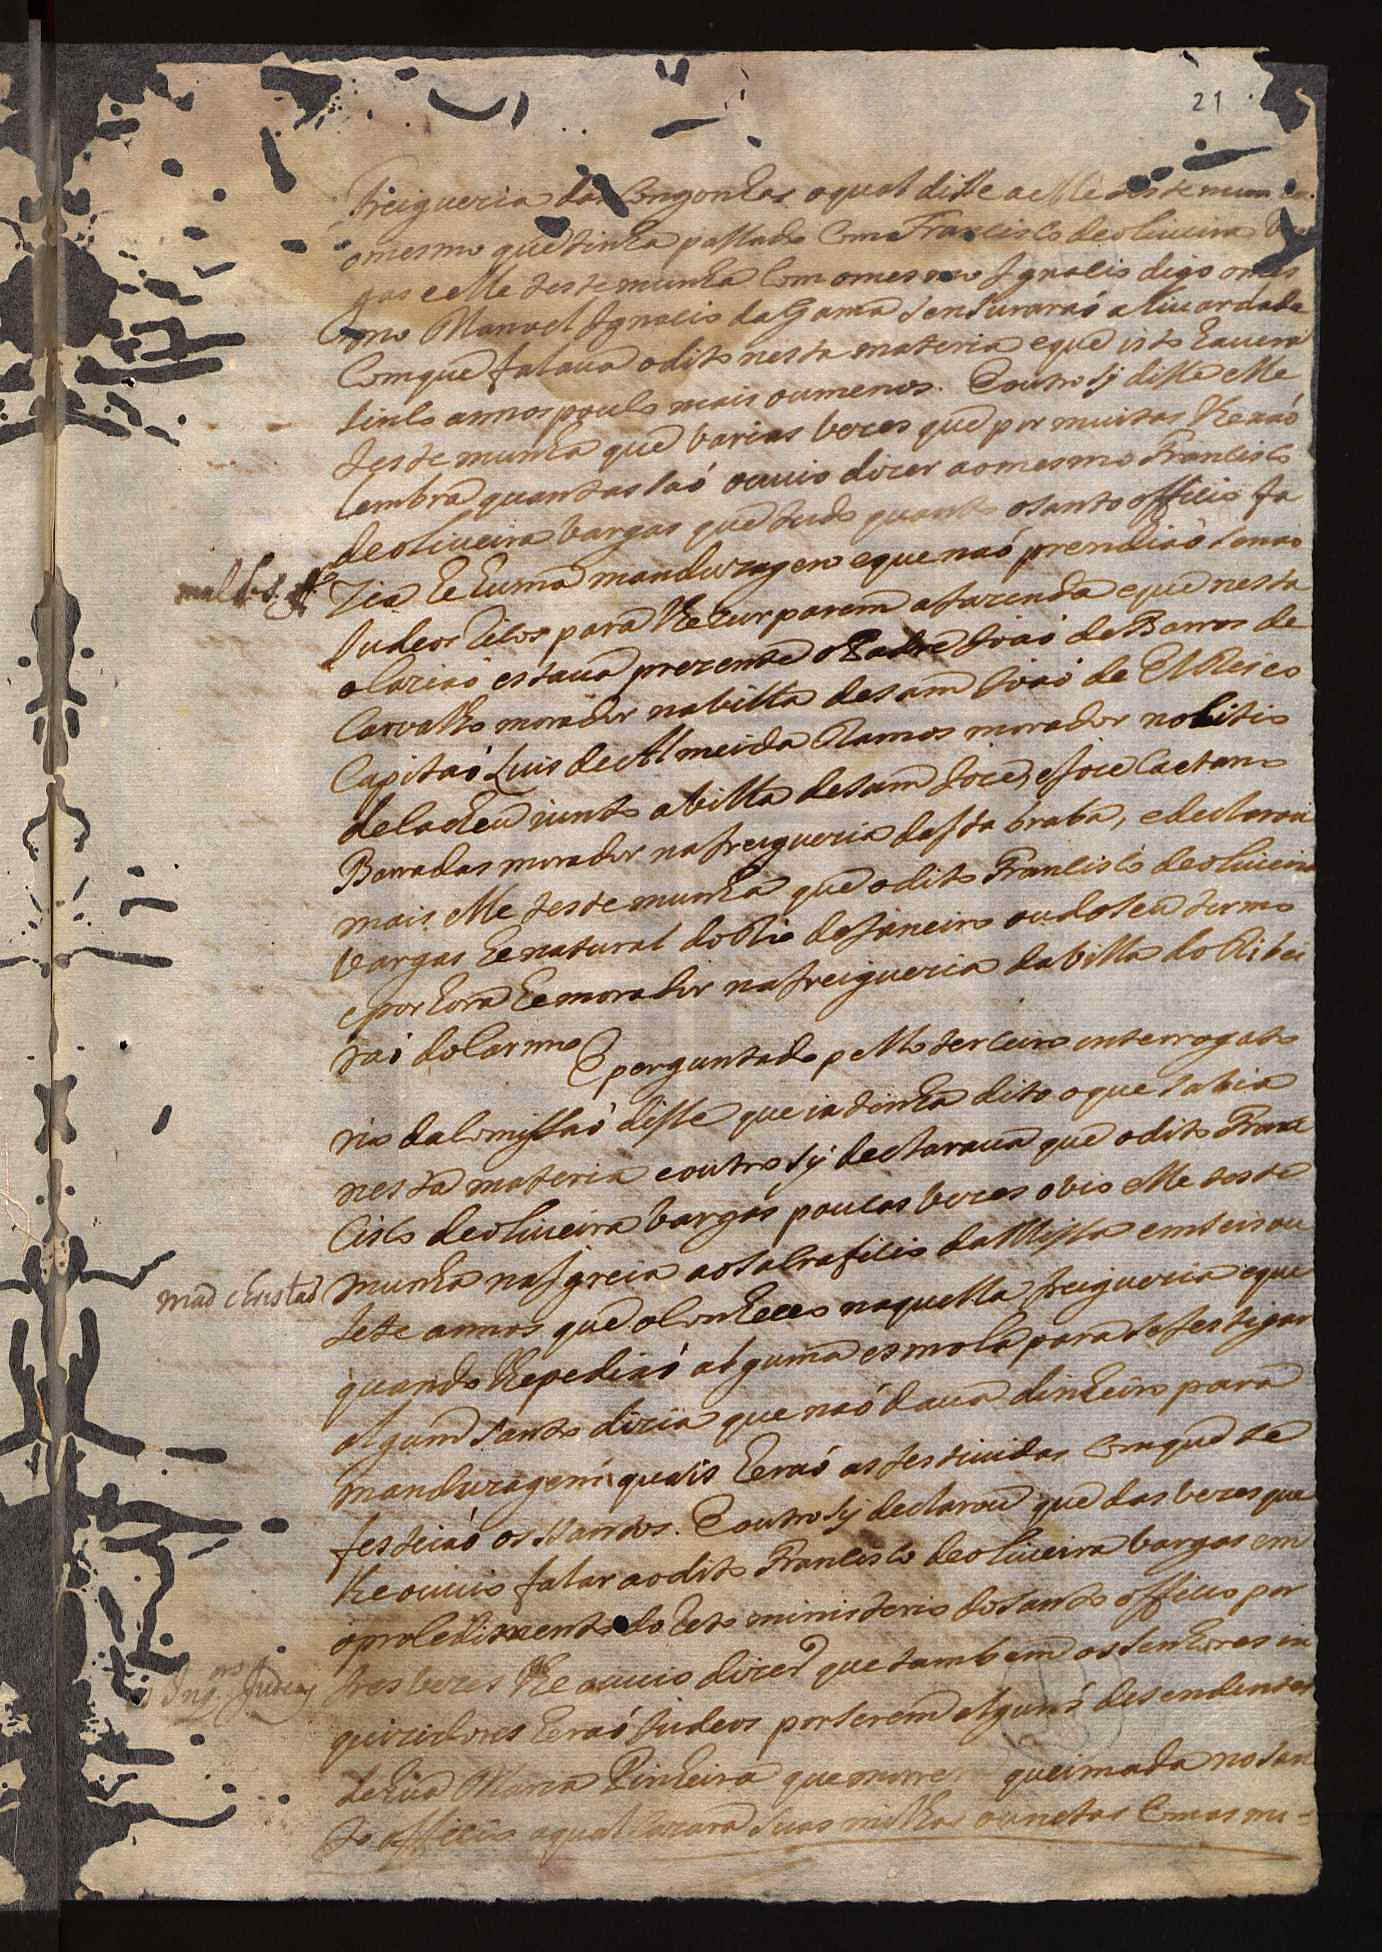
Freiguezia da Congonhas o qual disse a elle testemunha
o mesmo que tinha passado com Francisco de oliueira v
gas e elle testemunha com o mesmo Jgnacio digo o mes
mo Manoel Ignacio da Gama sensuraraõ a liuardade
Com que falaua o dito nesta materia e que isto hauera
sinCo annos pouCo mais ou menos. E outrosj disse elle
testemunha que varias vezes que por muitas lhe naõ
lembra quantas saõ ouuio dizer ao mesmo Francisco
de oliueira vargas que tudo quanto o santo officio fa
mal d̄ s. off.o
Zia he huma manduzagen e que naõ prendiaõ senao
Iudeos Ricos para lhe zurparem a fazenda e que nesta
oCaziaõ estaua prezente o Padre Ioaõ de Barros de
Carvalho morador na villa de sam Ioaõ de El Rei e o
Capitaõ Luis de Almeida Ramos morador no Citio
de Cacheu iunto a villa de sam Ioze, e Joze Caetano
Barradas morador na freiguezia da Jtabraba, e declarou
mais elle testemunha que o dito Francisco de oliueira
vargas he natural do Rio de Janeiro ou do seu termo
e por hora he morador na freiguezia da Villa do Ribei
raõ do Carmo
E perguntado pello terceiro interrogato
rio da Comissaõ disse que ia tinha dito o que sabia
nesta materia e outrosy declaraua que o dito Fran
CisCo de oliueira vargas poucas vezes o vio elle teste
máo christaõ
munha na Jgreia ao saCreficio da Missa em seis ou
sete annos que o Conheceo naquella freguezia e que
quando lhe pediaõ alguma esmola para se festigar
algum santo dizia que naõ daua dinheiro para
manduzagem quais heraõ as festiuidas com que se
festeiaõ os ssantos. E outrosy declarou que das vezes que
lhe ouuio falar ao dito Francisco de oliueira vargas em
o proCedimento do Reto ministerio do santo officio por
tres vezes lhe ouuio dizer que tambem os senhores in
quizidores heraõ Iudeos por serem alguns desendentes
Inq.res Judeos
de hua Maria Pinheira que morrera queimada no san
to officio a qual Cazara suas milhas ou netas Com as mi
